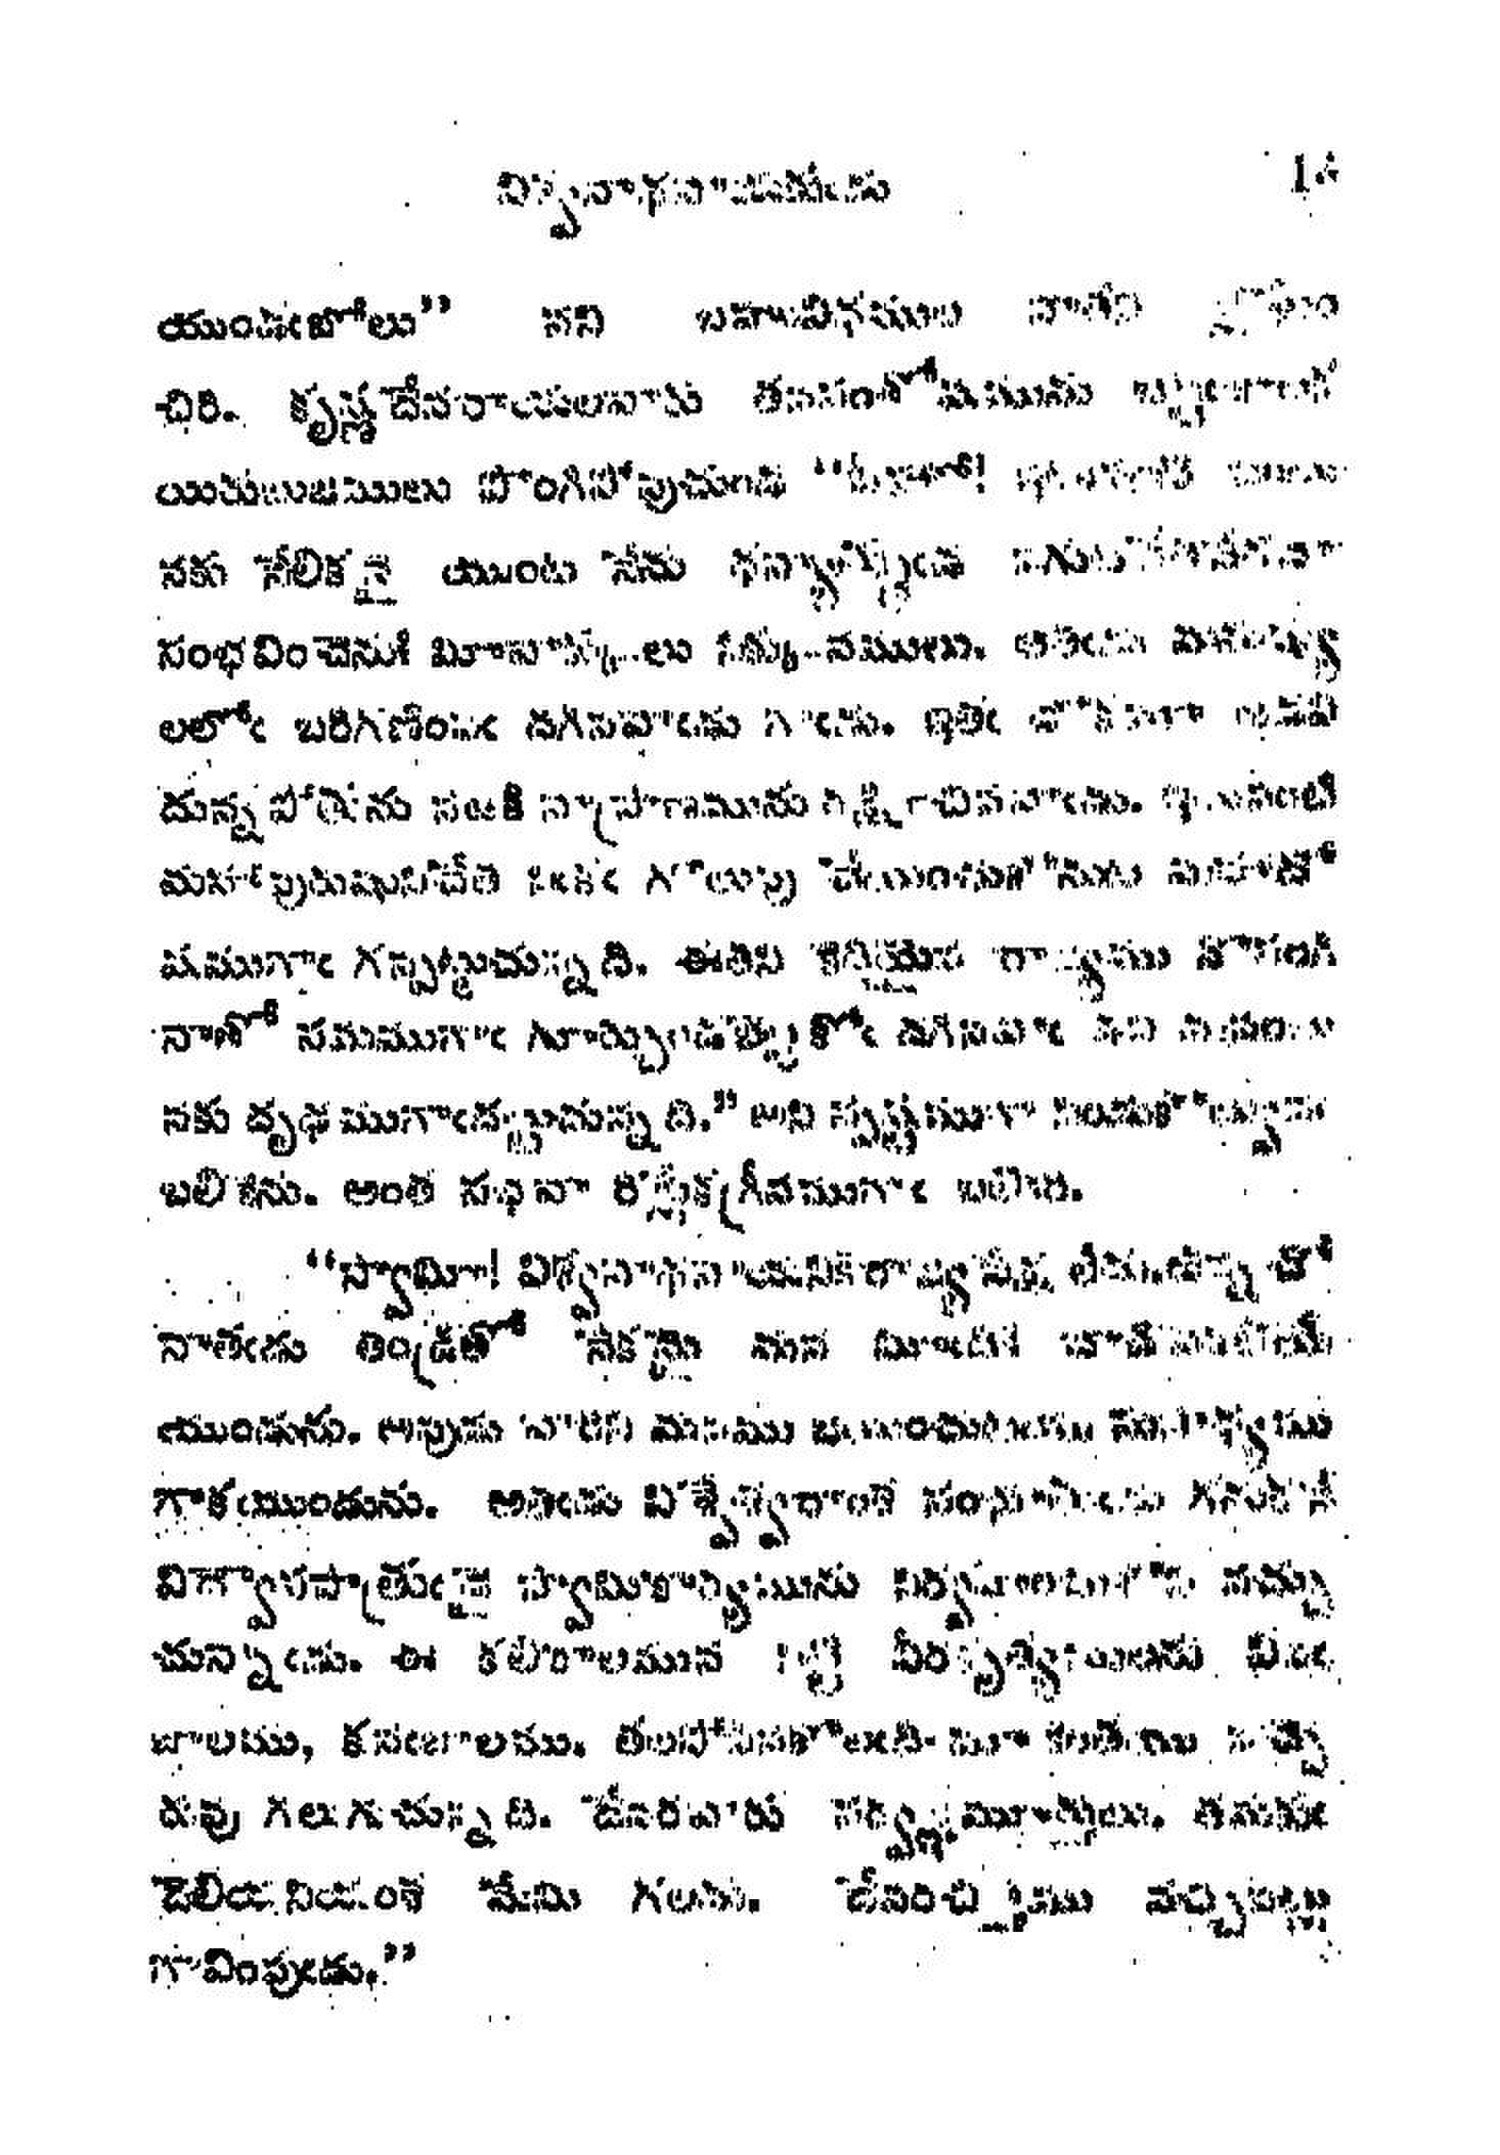యుండఁబోలు" నని బహువిధముల నాతని శ్లాఘించిరి. కృష్ణదేవరాయలవారు తనసంతోషమును బట్టజాలక యిరుబుజములు పొంగిపోవుచుండ "ఓహో! ఇటువంటి బంటునకు నేలికనై యుంట నేను ధన్యాత్ముఁడ నగుటచేతనేగదా సంభవించెను! మీవాక్కులు నిక్కువములు. ఆతఁడు మనుష్యులలోఁ బరిగణింపఁ దగినవాఁడు గాఁడు. ఇతఁ డొకనాడు అడవి దున్నపోతును నఱకి నాప్రాణమును రక్షించినవాఁడు. ఇటువంటి మహాపురుషునిచేత నింకఁ గొలువు చేయించుకొనుట మహాదోషముగాఁ గన్పట్టుచున్నది. ఈతని కెదియైన రాజ్యము నొసంగి నాతో సమముగాఁ గూర్చుండబెట్టికోఁ దగినవాఁ డని మనంబునకు దృఢముగాఁదట్టుచున్నది." అని స్పష్టముగా నిండుకొల్వున బలికెను. అంత సభవా రిట్లేకగ్రీవముగాఁ బలికిరి.

"స్వామీ! విశ్వనాథనాయనికి రాజ్యపేక్ష లేదు. ఉన్నచో నాతఁడు తండ్రితో నేకమై మన మీఁదికి దాడిచేసియే యుండును. అపుడు వారిని మనము జయించుటయు సుసాధ్యము గాకుయుండును. అతఁడు విశ్వేశ్వరాంశ సంభూతుఁడు గనుకనే విద్వౌసపాత్రుఁడై స్వామికార్యమును నిర్వహించుకొని వచ్చు చున్నాఁడు. ఈ కలికాలమున నిట్టి వీరకృత్యములను వినఁజాలము, కనఁజాలము. తలపోసినకొలఁది మా కెంతయు నచ్చెరువు గలుగుచున్నది. దేవరవారు సర్వజ్ఞమూర్తులు. తమకుఁ దెలియనియంశ మేమి గలదు. దేవరచిత్తము వచ్చినట్లు గావింపుఁడు."